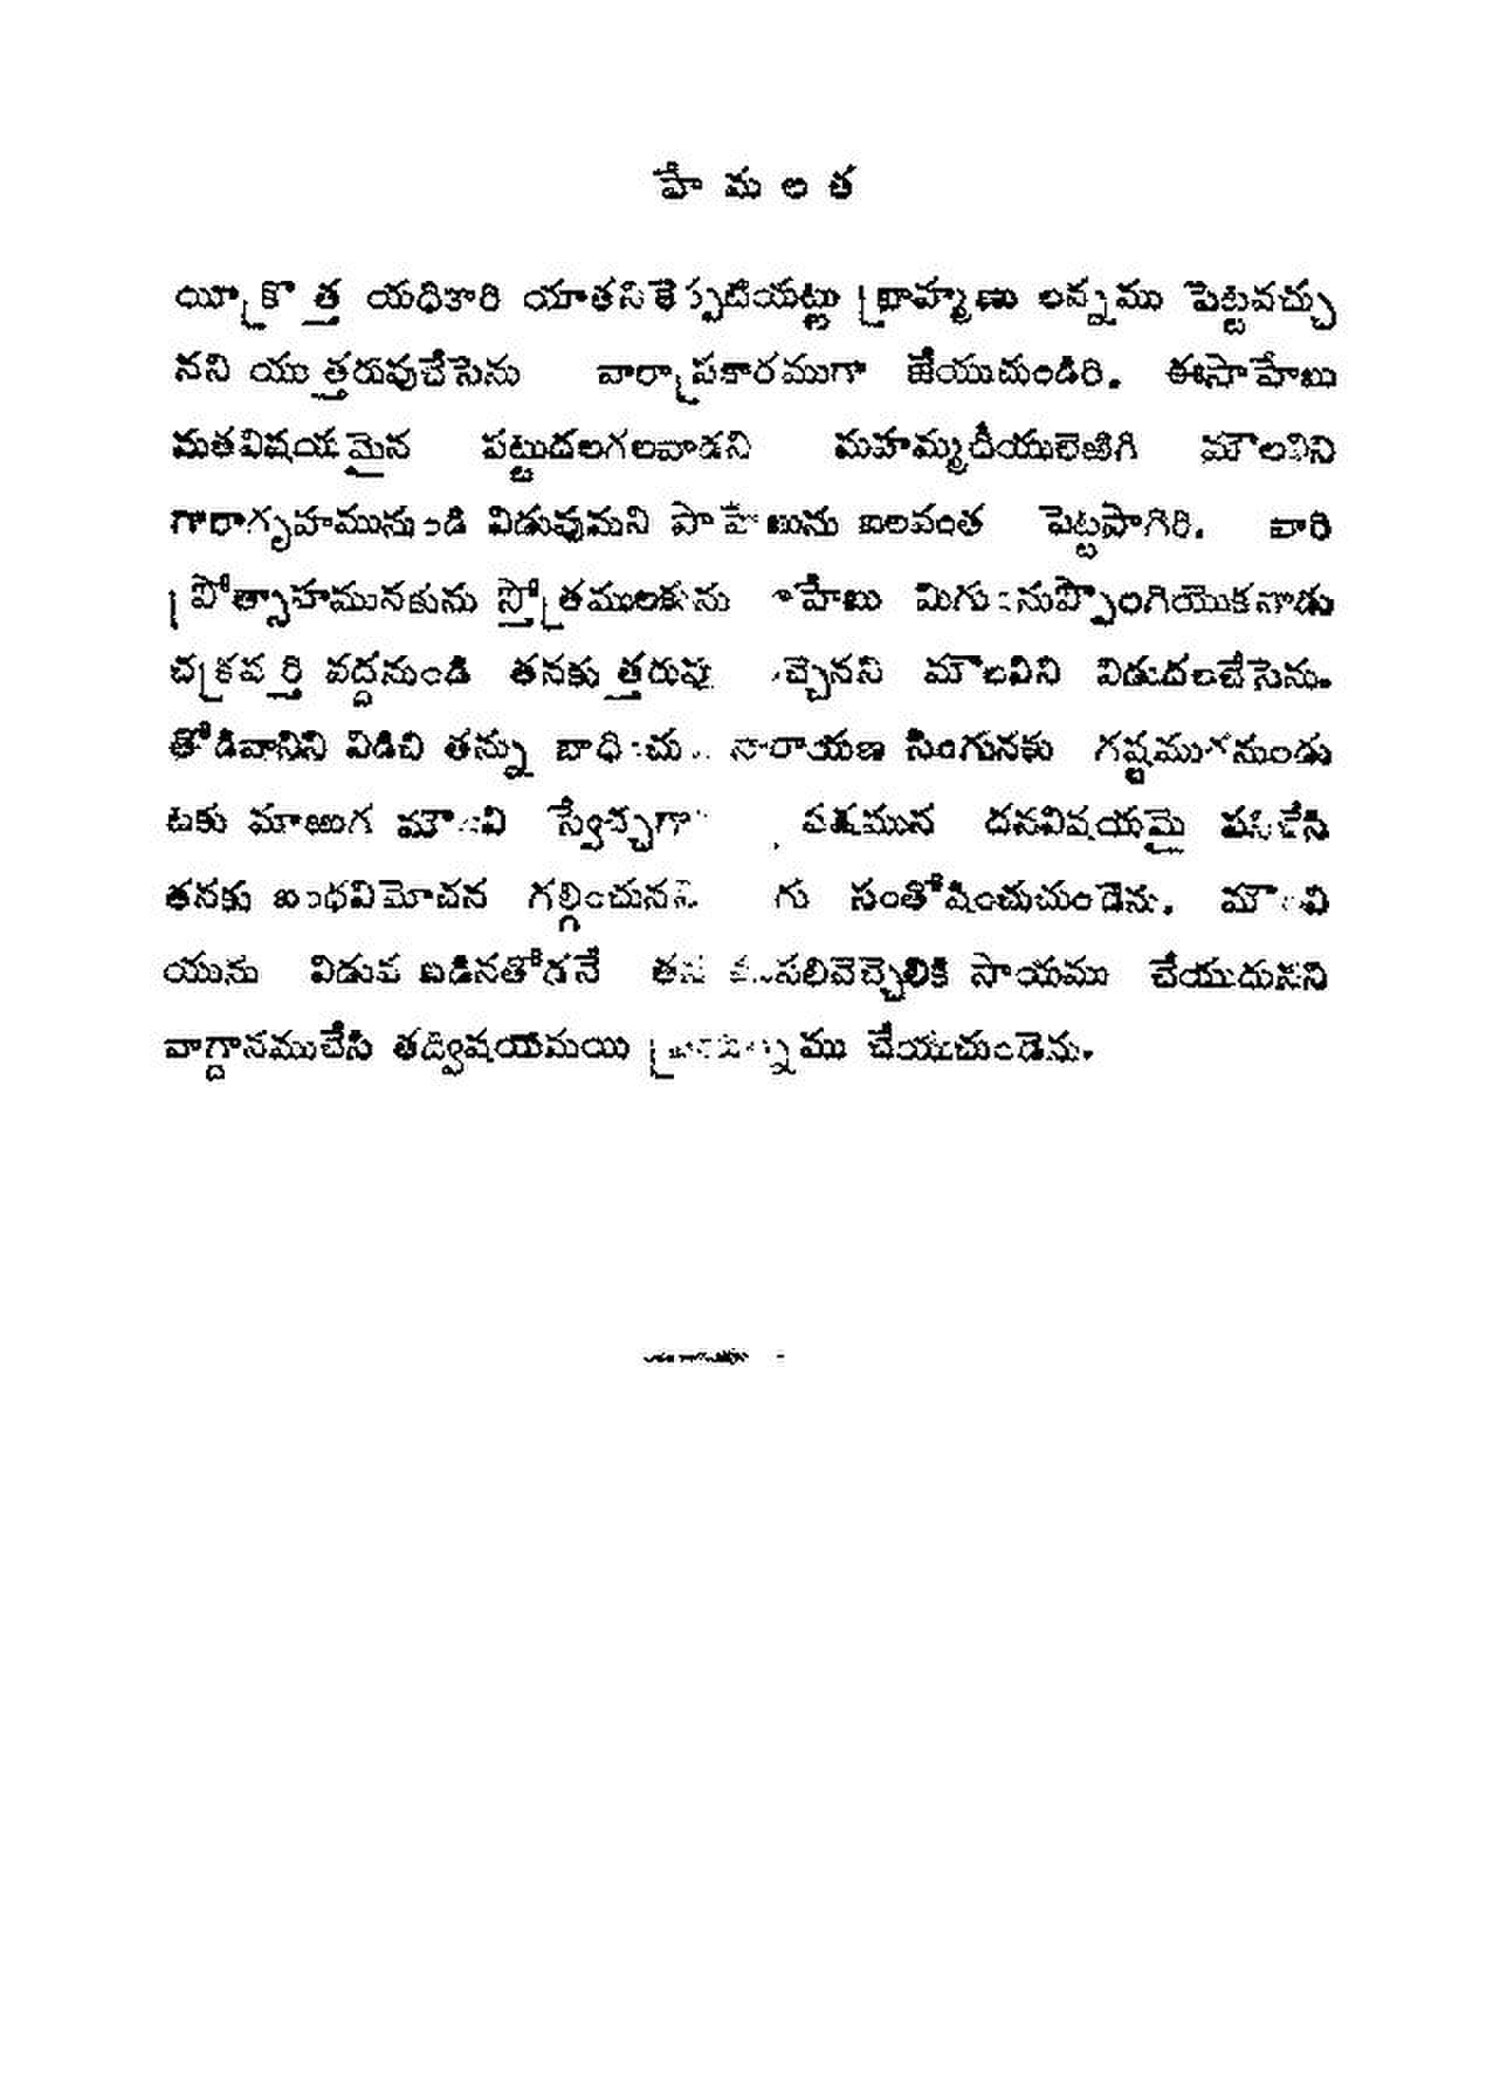యీ క్రొత్త యధికారి యాతనికెప్పటియట్లు బ్రాహ్మణు లన్నము పెట్టవచ్చునని యుత్తరువుచేసెను. వారాప్రకారముగా జేయుచుండిరి. ఈసాహేబు మతవిషయమైన పట్టుదలగలవాడని మహమ్మదీయులెఱిగి మౌలవిని గారాగృహమునుండి విడువమని సాహెబును బలవంత పెట్టసాగిరి. వారి ప్రోత్సాహమునకును స్తోత్రములకును సాహేబు మిగులనుప్పొంగియొకనాడు చక్రవర్తి వద్దనుండి తనకు త్తరువు వచ్చెనని మౌలవిని విడుదలచేసెను. తోడివానిని విడిచి తన్ను బాధించుచు నారాయణ సింగునకు గష్టముగనుండుటకు మాఱుగ మౌలవి స్వేచ్ఛగా పక్షమున దనవిషయమై పనిచేసి తనకు బంధవిమోచన గల్గించునని సింగు సంతోషించుచుండెను. మౌలవియును విడువ బడినతోగనే త ముసలినెచ్చెలికి సాయము చేయుదునని వాగ్దానముచేసి తద్విషయమయి ప్రయత్నము చేయుచుండెను.